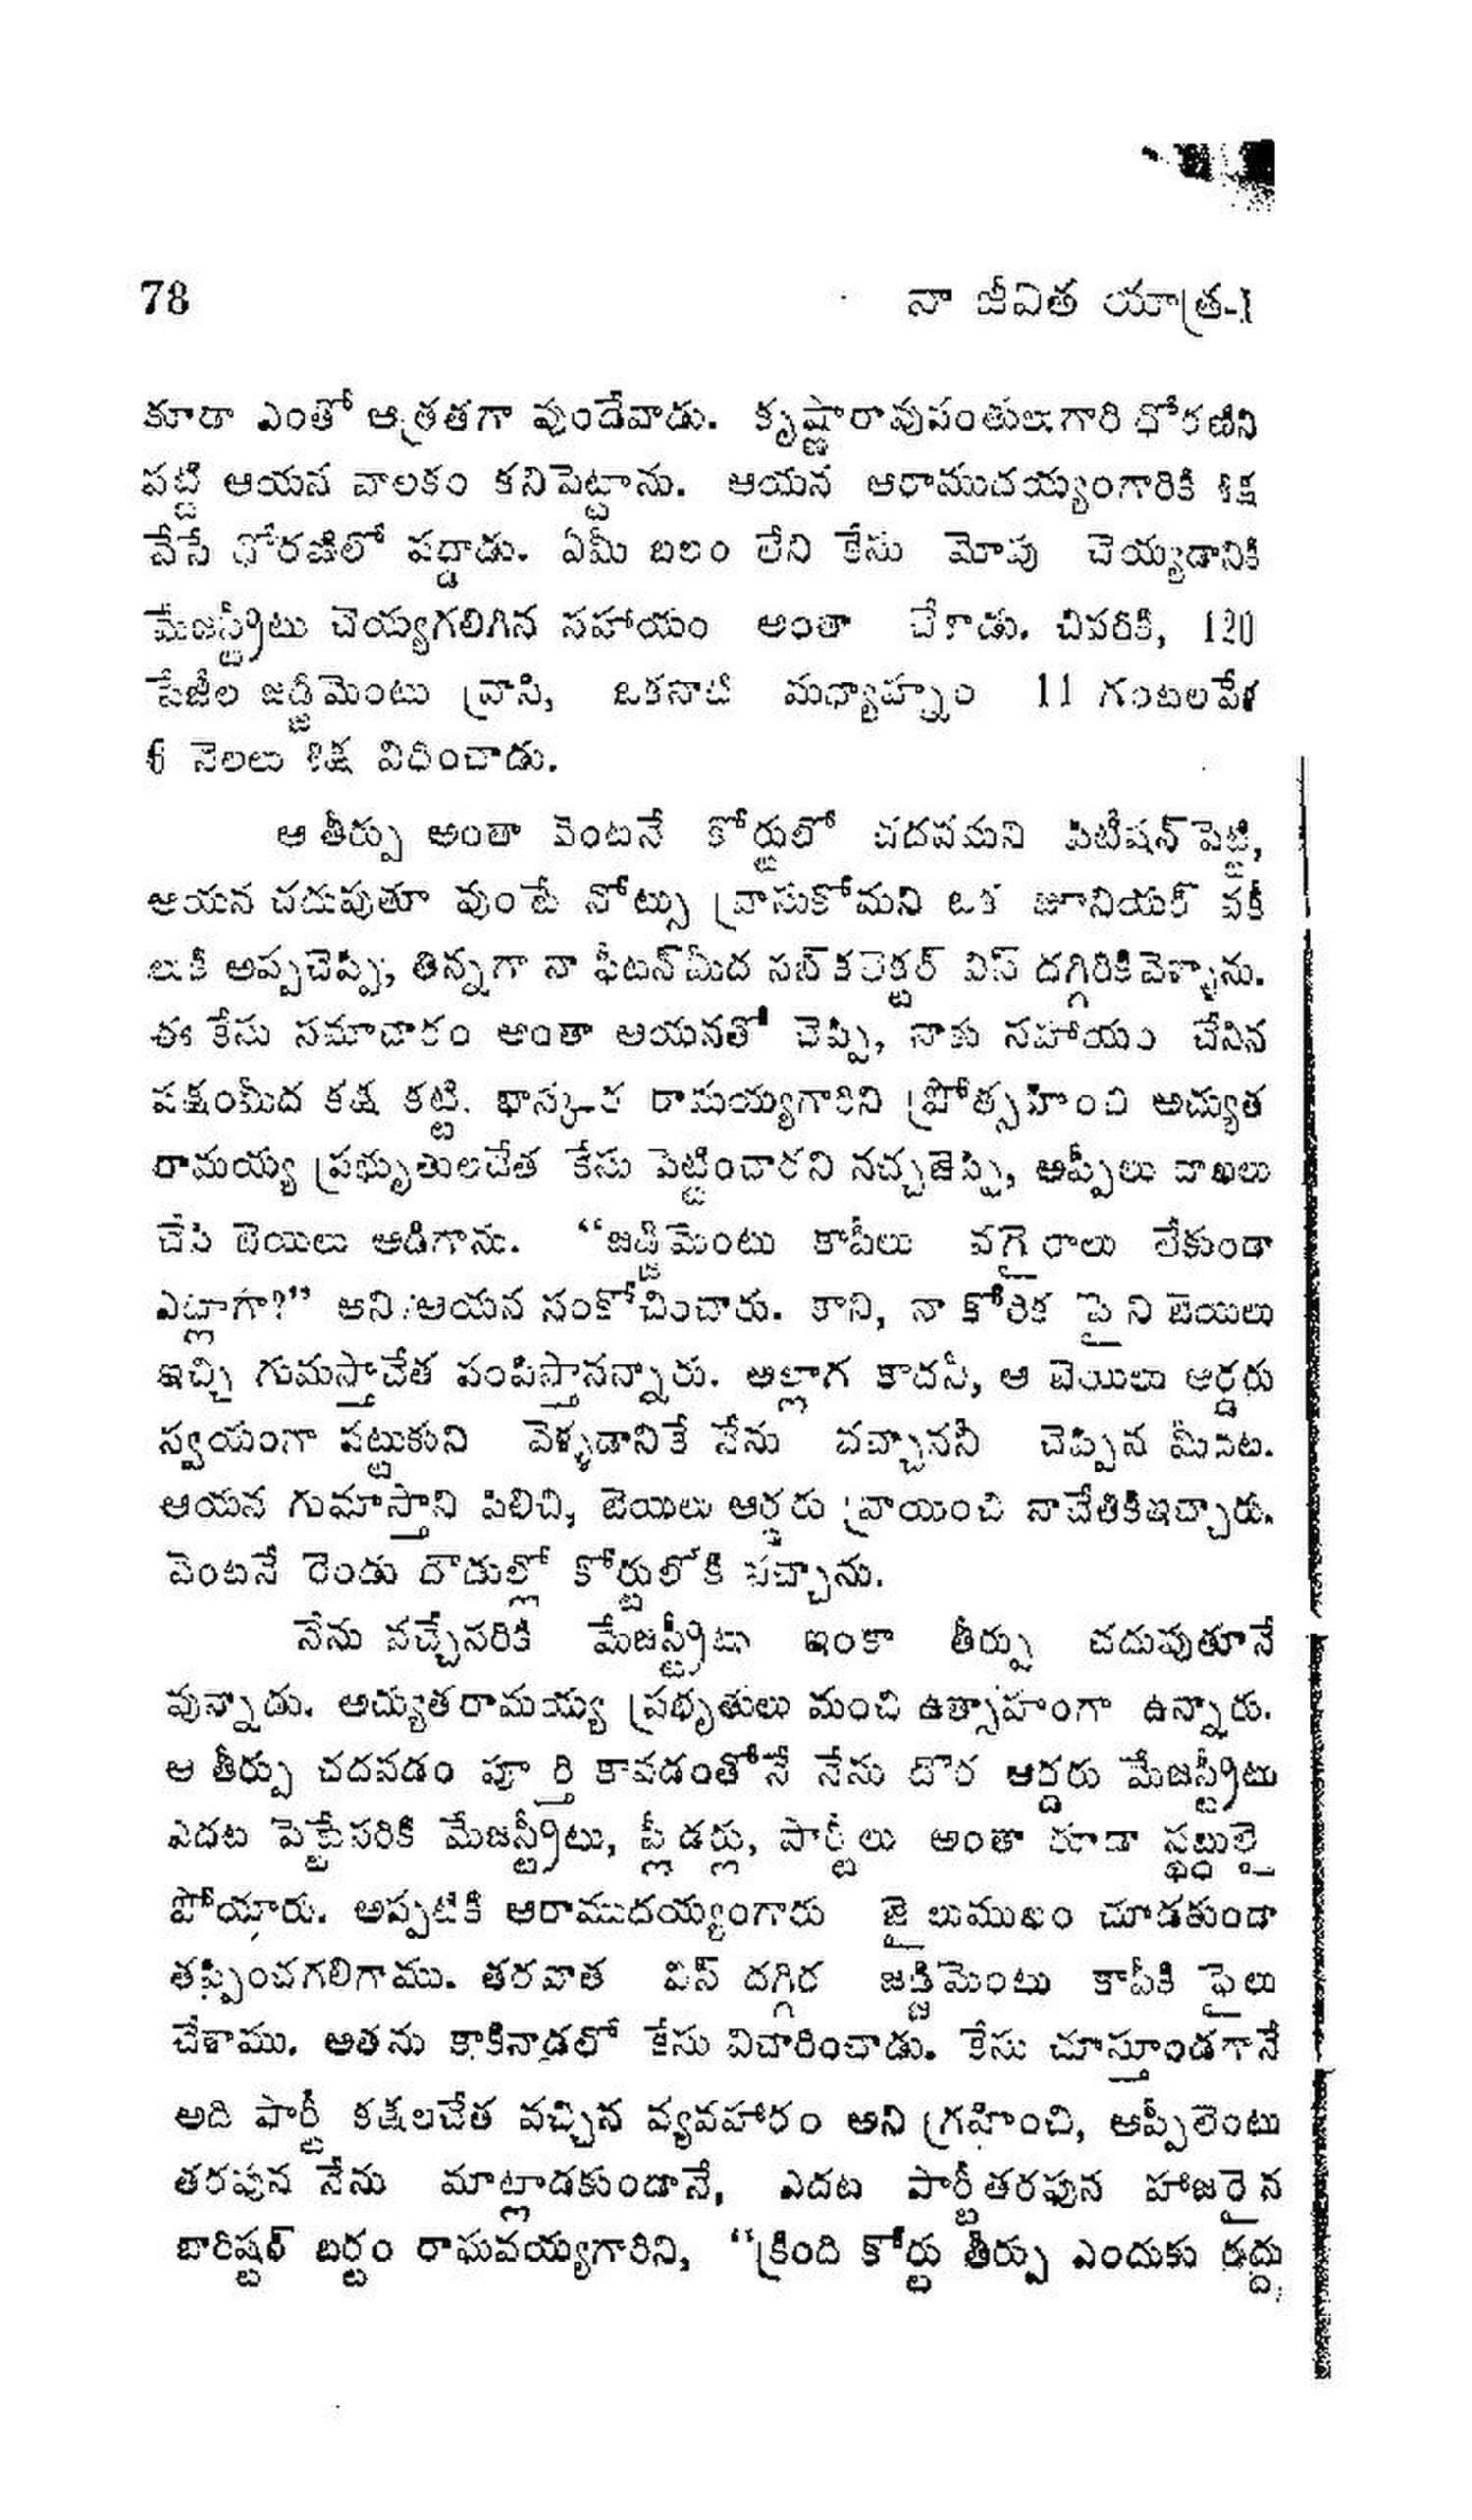కూడా ఎంతో ఆత్రతగా వుండేవాడు. కృష్ణారావుపంతులుగారి ధోరణిని పట్టి ఆయన వాలకం కనిపెట్టాను. ఆయన ఆరాముదయ్యంగారికి శిక్షవేసే ధోరణిలో పడ్డాడు. ఏమి బలం లేని కేసు మోపు చెయ్యడానికి మేజస్ట్రీటు చెయ్యగలిగిన సహాయం అంతా చేశాడు. చివరికి, 120 పేజీల జడ్జిమెంటు వ్రాసి, ఒకనాటి మధ్యాహ్నం 11 గంటలవేళ 6 నెలలు శిక్ష విధించాడు.

ఆ తీర్పు అంతా వెంటనే కోర్టులో చదవమని పిటీషన్‌పెట్టి, ఆయన చదువుతూ వుంటే నోట్సు వ్రాసుకోమని ఒక జూనియర్ వకీలుకి అప్పచెప్పి, తిన్నగా నా ఫీటన్‌మీద సబ్‌కలెక్టర్ విస్ దగ్గిరికివెళ్ళాను. ఈ కేసు సమాచారం అంతా ఆయనతో చెప్పి, నాకు సహాయం చేసిన పక్షంమీద కక్ష కట్టి, భాస్కర రామయ్యగారిని ప్రోత్సహించి అచ్యుతరామయ్య ప్రభృతులచేత కేసు పెట్టించారని నచ్చజెప్పి, అప్పీలు దాఖలుచేసి బెయిలు అడిగాను. "జడ్జిమెంటు కాపీలు వగైరాలు లేకుండా ఎట్లాగా?" అని ఆయన సంకోచించారు. కాని, నా కోరిక పైని బెయిలు ఇచ్చి గుమస్తాచేత పంపిస్తానన్నారు. అల్లాగ కాదనీ, ఆ బెయిలు ఆర్డరు స్వయంగా పట్టుకుని వెళ్ళడ్డానికే నేను వచ్చాననీ చెప్పిన మీదట. ఆయన గుమాస్తాని పిలిచి, బెయిలు ఆర్డరు వ్రాయించి నాచేతికి ఇచ్చారు. వెంటనే రెండు దౌడుల్లో కోర్టులోకి వచ్చాను.

నేను వచ్చేసరికి మేజస్ట్రీటు ఇంకా తీర్పు చదువుతూనే వున్నాడు. అచ్యుతరామయ్య ప్రభృతులు మంచి ఉత్సాహంగా ఉన్నారు. ఆ తీర్పు చదవడం పూర్తి కావడంతోనే నేను దొర ఆర్డరు మేజస్ట్రీటు ఎదట పెట్టేసరికి మేజస్ట్రీటు, ప్లీడర్లు, పార్టీలు అంతా కూడా స్థబ్దులై పోయారు. అప్పటికి ఆరాముదయ్యంగారు జైలుముఖం చూడకుండా తప్పించగలిగాము. తరవాత విస్ దగ్గిర జడ్జిమెంటు కాఫీకి ఫైలు చేశాము. అతను కాకినాడలో కేసు విచారించాడు. కేసు చూస్తూండగానే అది పార్టీ కక్షలచేత వచ్చిన వ్యవహారం అని గ్రహించి, అప్పీలెంటు తరపున నేను మాట్లాడకుండానే, ఎదట పార్టీతరపున హాజరైన బారిష్టర్ బర్టం రాఘవయ్యగారిని, "క్రింది కోర్టు తీర్పు ఎందుకు రద్దు